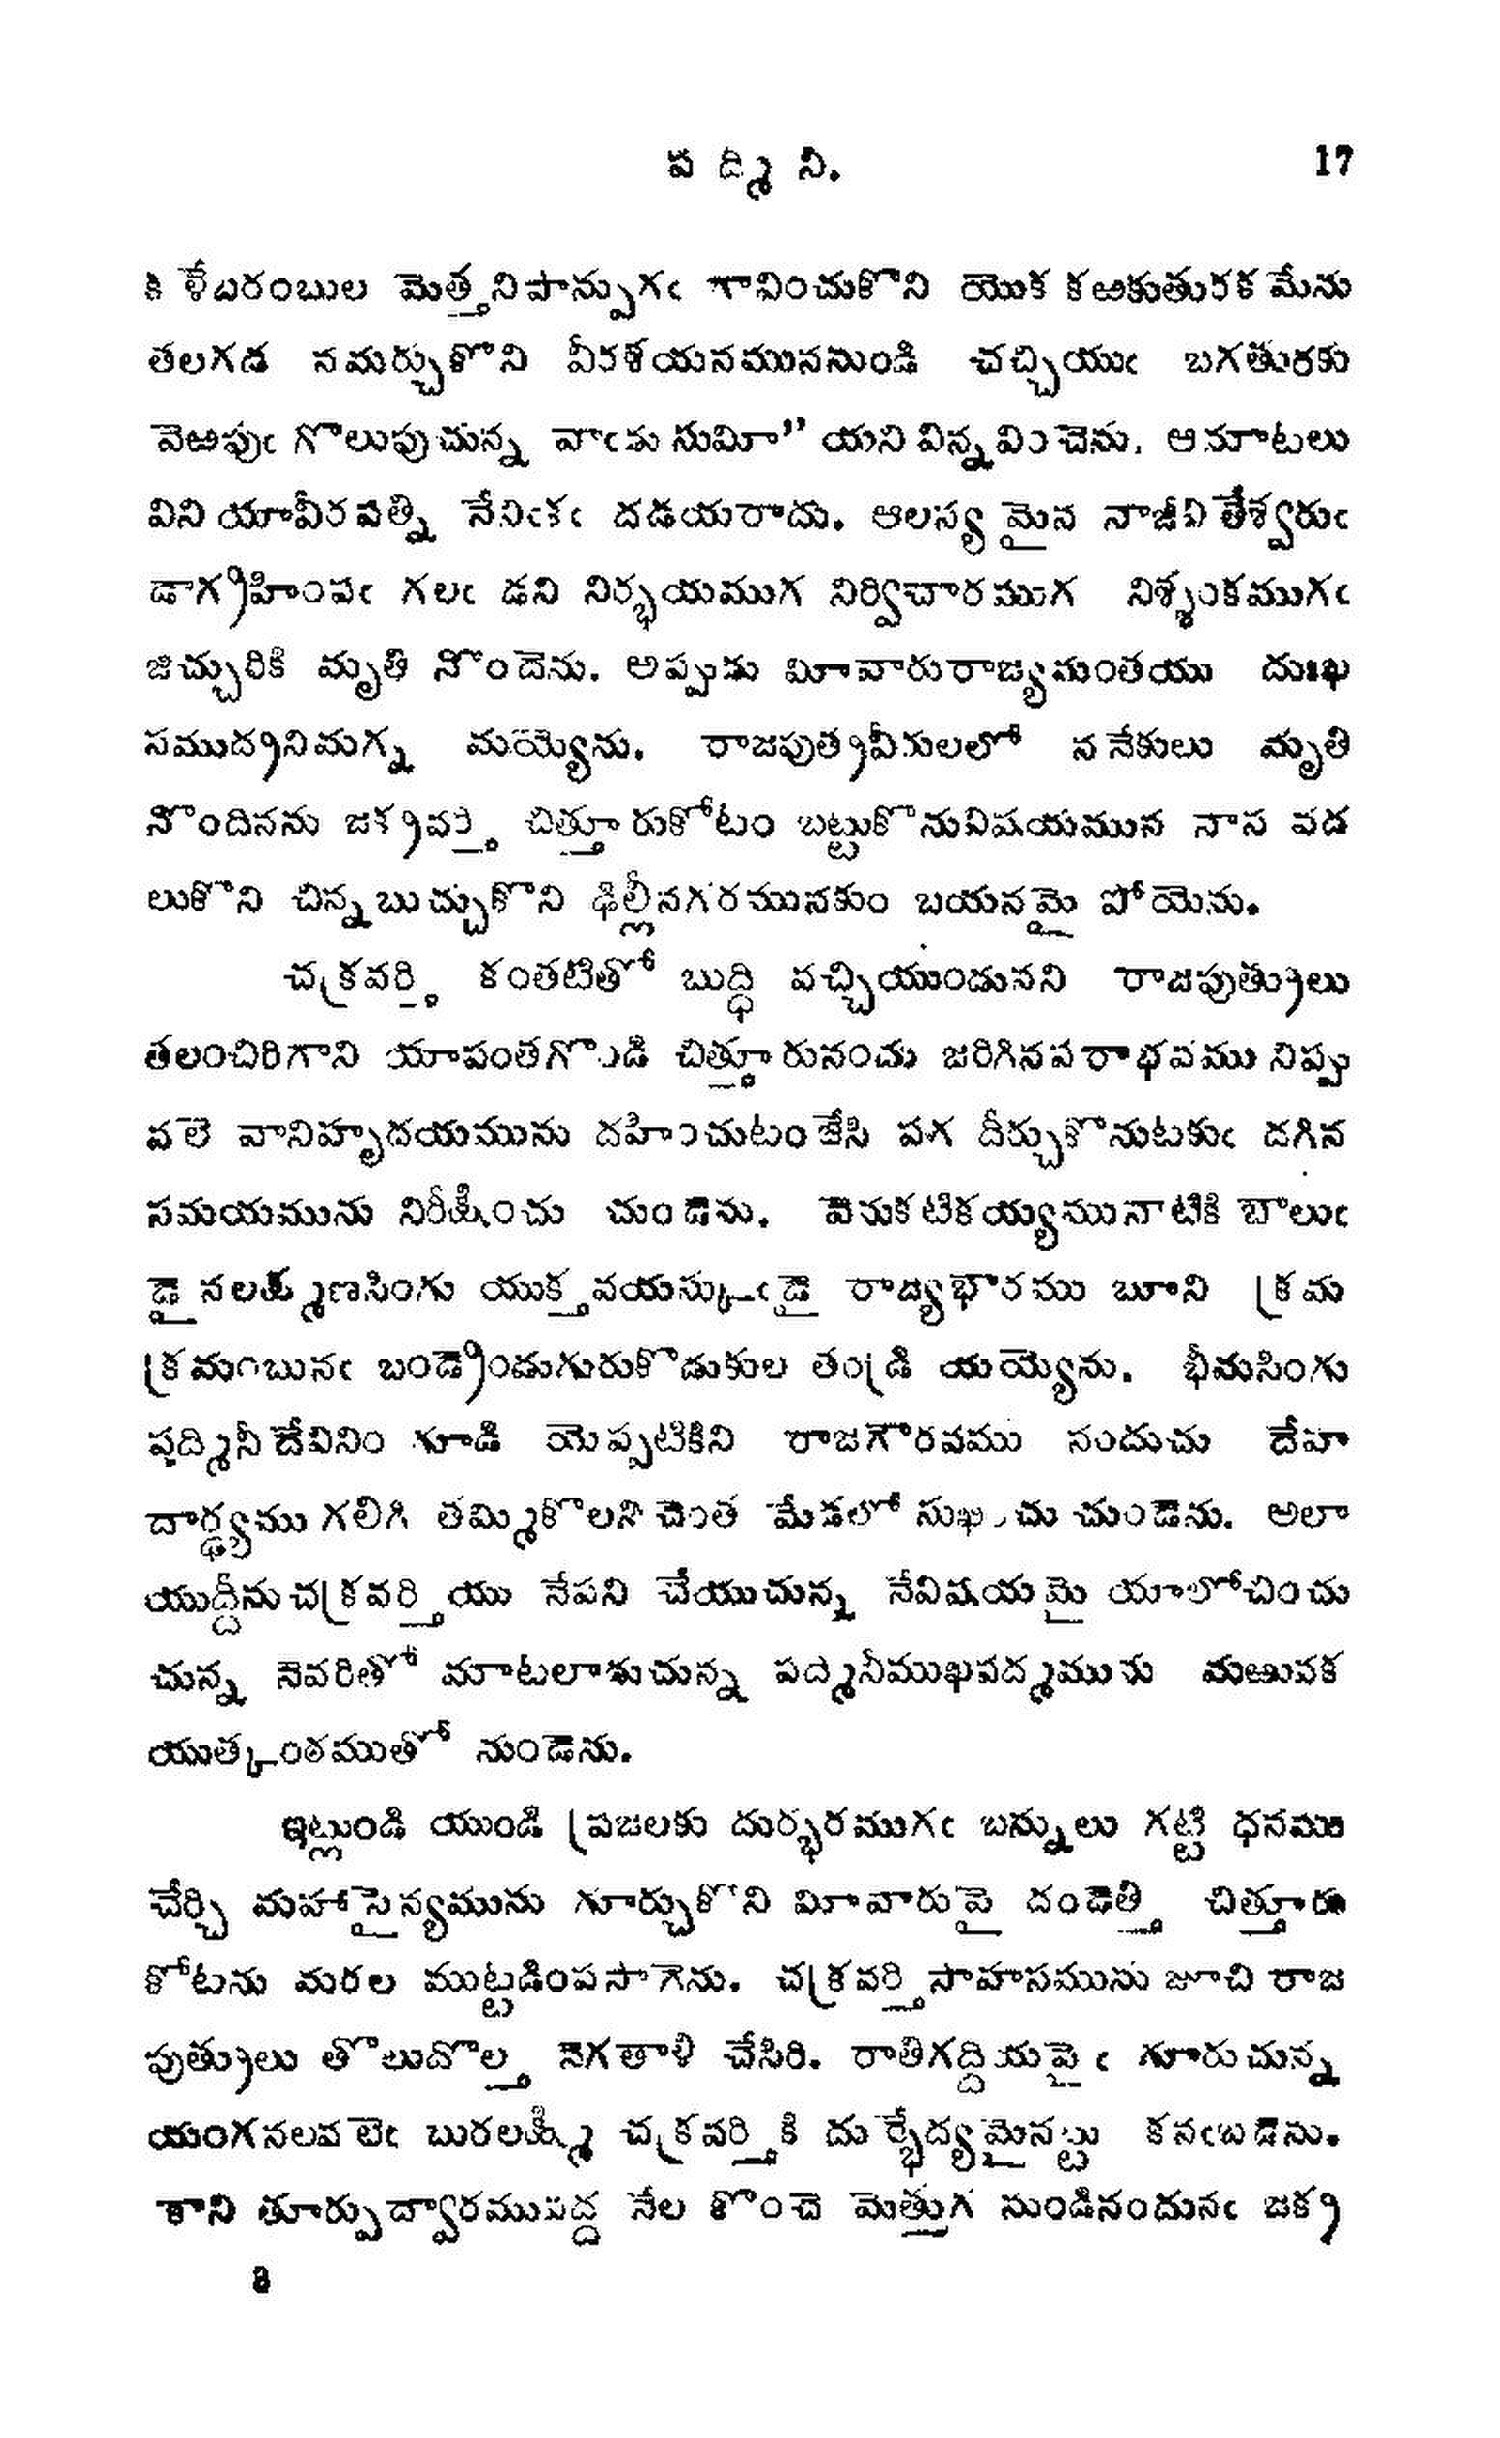కళేబరంబుల మెత్తని పాన్పుగఁ గావించుకొని యొక కఱకుతురక మేను తలగడ నమర్చుకొని వీరశయనమున నుండి చచ్చియుఁ బగతురకు వెఱపుఁ గొలుపుచున్న వాఁడు సుమీ" యని విన్నవించెను. ఆ మాటలు విని యావీర పత్ని నేనిఁకఁ దడయరాదు. ఆలస్యమైన నాజీవితేశ్వరుఁ డాగ్రహింపఁ గలఁ డని నిర్భయముగ నిర్విచారముగ నిశ్శంకముగఁ జిచ్చురికి మృతి నొందెను. అప్పుడు మీవారు రాజ్య మంతయు దుఃఖ సముద్రనిమగ్న మయ్యెను. రాజపుత్ర వీరులలో ననేకులు మృతి నొందినను జక్రవర్తి చిత్తూరుకోటం బట్టుకొనువిషయమున నాస వడలుకొని చిన్న బుచ్చుకొని ఢిల్లీ నగరమునకుం బయనమై పోయెను.

చక్రవర్తి, కంతటితో బుద్ధి వచ్చి యుండునని రాజపుత్రులు తలంచిరిగాని యాపంతగొండి చిత్తూరునందు జరిగిన పరాభవము నిప్పువలె వానిహృదయమును దహిచుటం జేసి పగ దీర్చుకొనుటకుఁ దగిన సమయమును నిరీక్షించు చుండెను. వెనుకటికయ్యమునాటికి బాలుఁడై నలక్ష్మణసింగు యుక్త వయస్కుడై రాజ్య భారము బూని క్రమక్రమంబునఁ బండెండుగురు కొడుకుల తండ్రి యయ్యెను. భీమసింగు పద్మినీ దేవినిం గూడి యెప్పటికిని రాజగౌరవము నందుచు దేహదార్థ్యము గలిగి తమ్మికోలని చెంత 'మేడలో సుఖించు చుండెను. అలాయుద్దీను చక్రవర్తి యు నేపని చేయుచున్న నేవిషయమై ఆలోచించుచున్న నెవరితో మాటలాడుచున్న పద్మినీ ముఖపద్మమును మఱువక యుత్కంఠముతో నుండెను.

ఇట్లుండి యుండి ప్రజలకు దుర్భరముగఁ బన్నులు గట్టి ధనము చేర్చి మహా సైన్యమును గూర్చుకోని మీవారు పై దండెత్తి చిత్తూరుకోటను మరల ముట్టడింపసాగెను. చక్రవర్తి సాహసమును జూచి రాజపుత్రులు తొలుదొల్త నెగతాళి చేసిరి. రాతిగద్ది యపై ఁ గూరుచున్న యంగనలవలె బురలక్ష్మి చక్రవర్తికి దుర్భేద్యమైనట్టు కనఁబడెను. కాని తూర్పు ద్వారమువద్ద నేల కొంచె మెత్తుగ నుండినందునఁ జక్ర